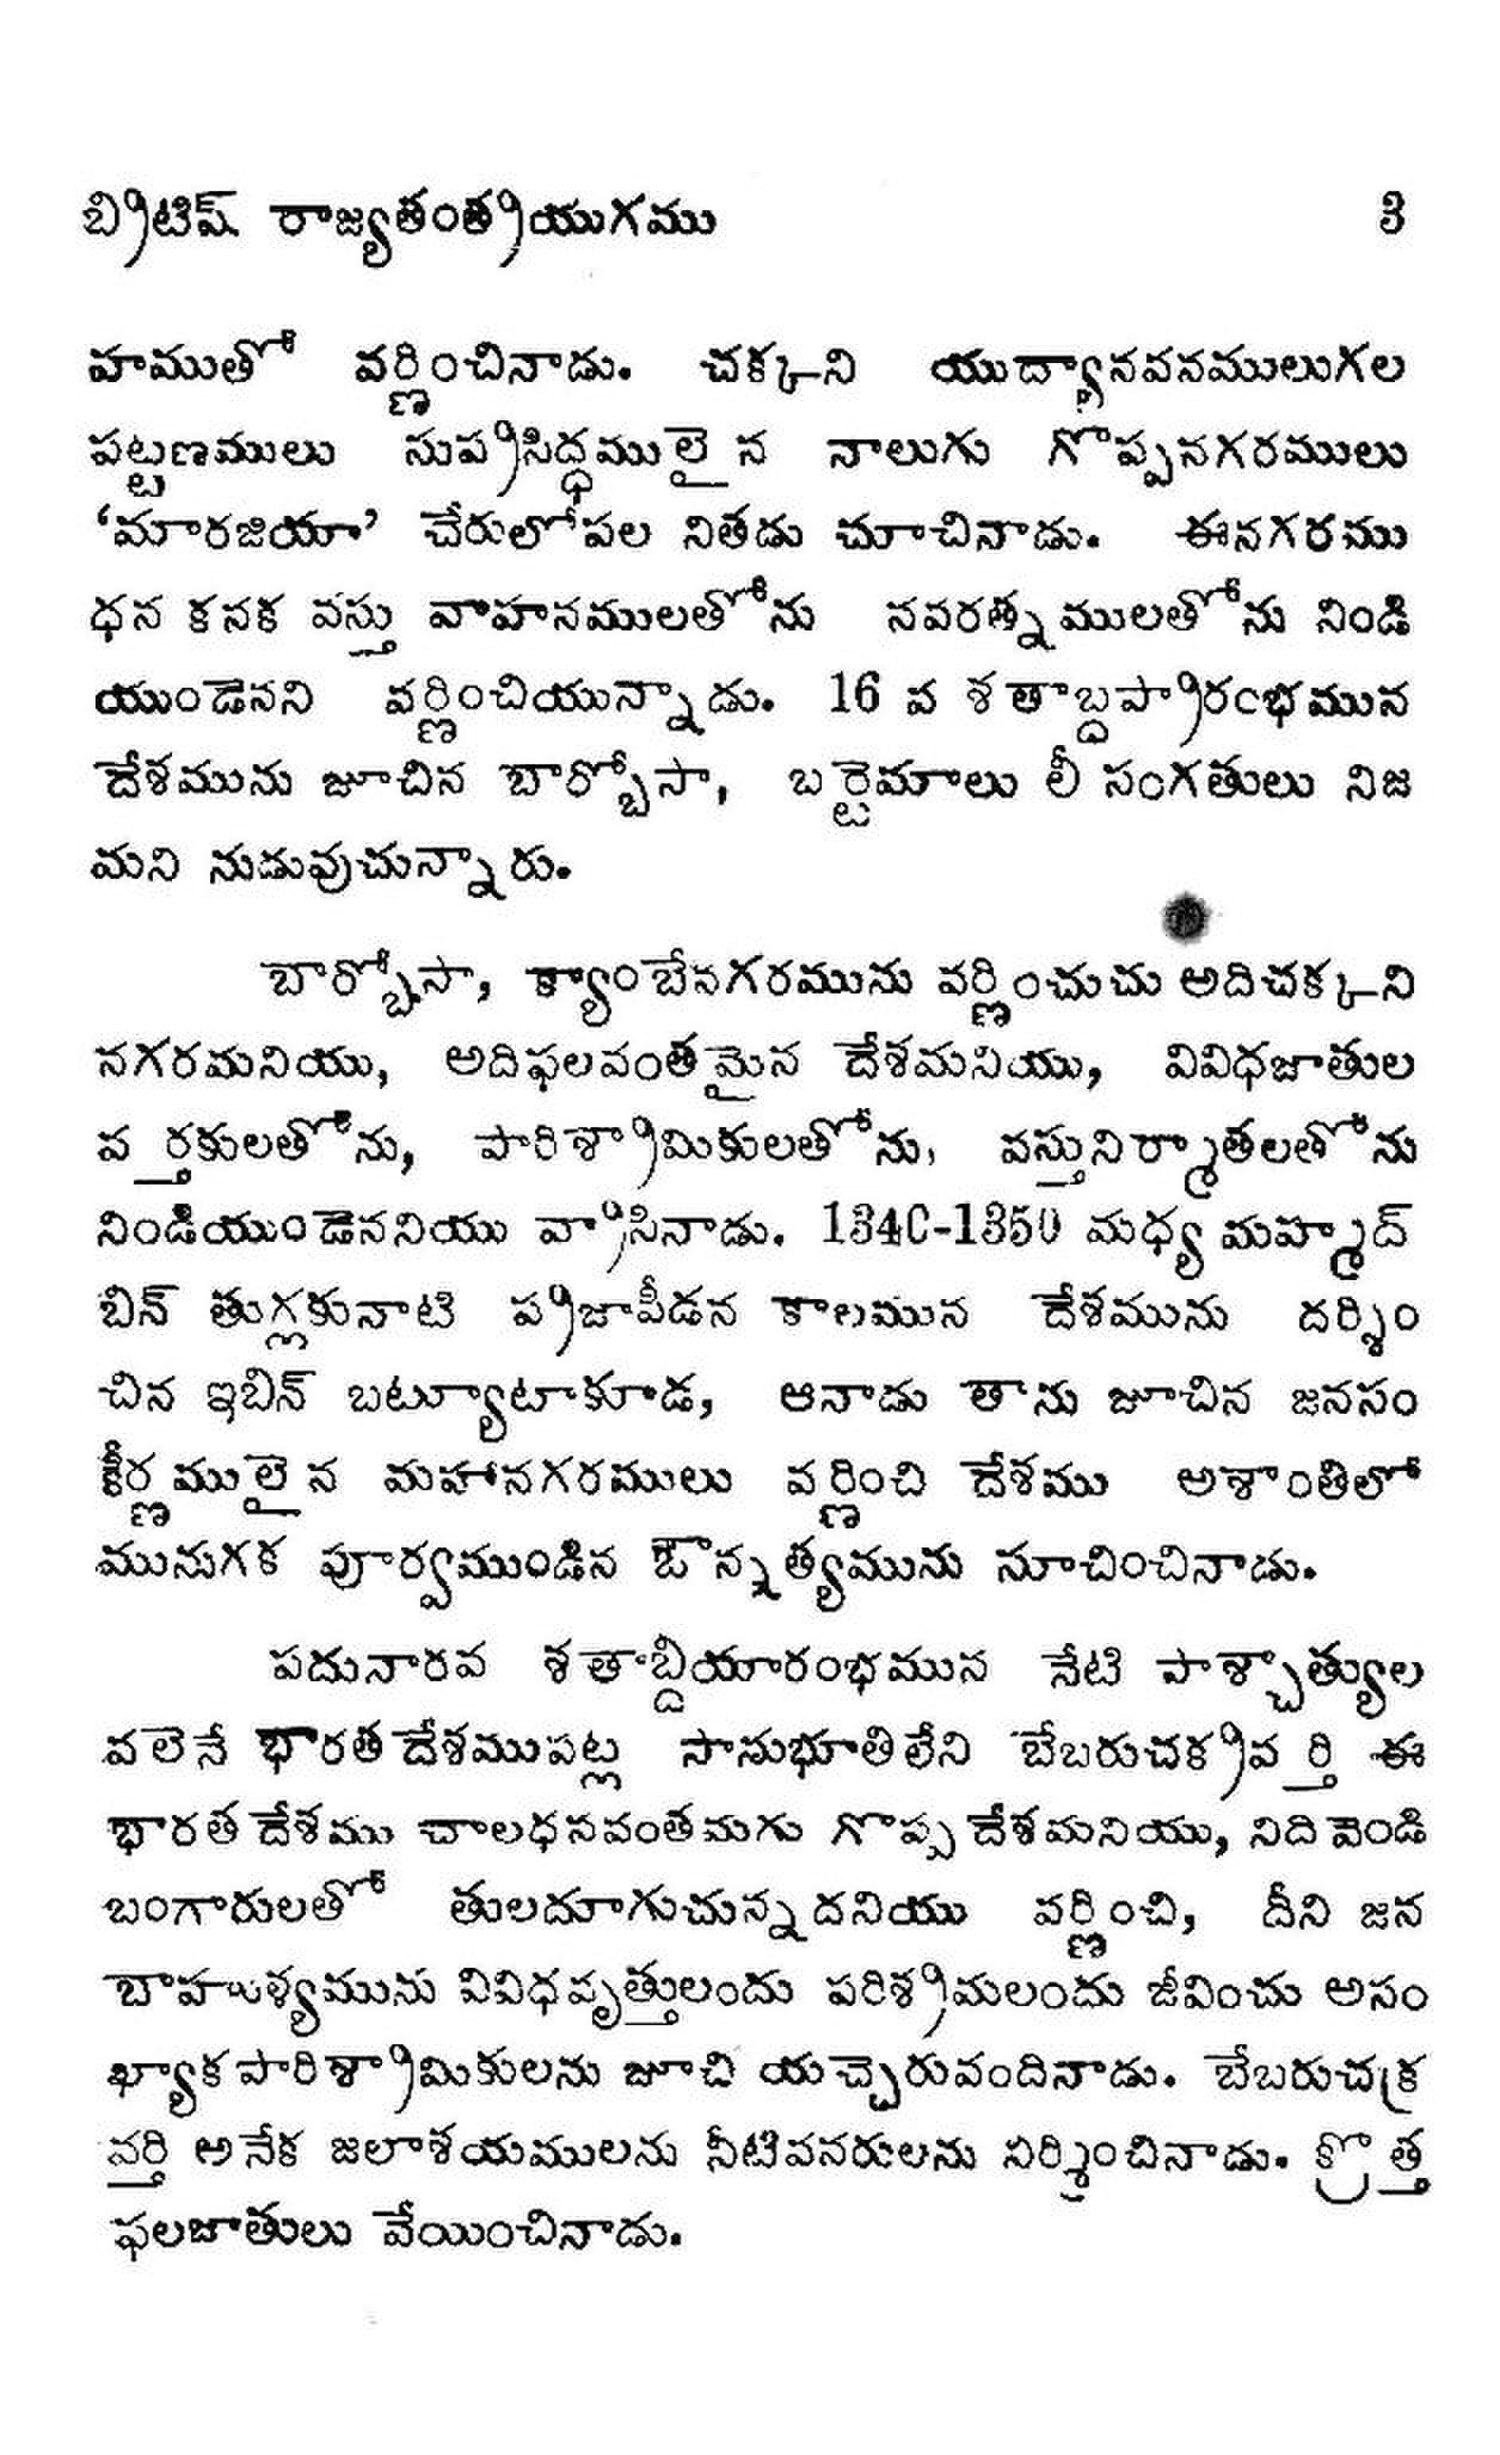హముతో వర్ణించినాడు. చక్కని యుద్యానవనములుగల పట్టణములు సుప్రసిద్ధములైన నాలుగు గొప్పనగరములు ‘మారజియా' చేరులోపల నితడు చూచినాడు. ఈనగరము ధన కనక వస్తు వాహనములతోను నవరత్నములతోను నిండి యుండెనని వర్ణించియున్నాడు. 16 వ శతాబ్ద ప్రారంభమున దేశమును జూచిన బార్బోసా, బర్టెమాలు లీ సంగతులు నిజ మని నుడువుచున్నారు.

బార్బోసా, క్యాంబేనగరమును వర్ణించుచు అదిచక్కని నగరమనియు, అదిఫలవంతమైన దేశమనియు, వివిధజాతుల వర్తకులతోను, పారిశ్రామికులతోను, వస్తునిర్మాతలతోను నిండియుండెననియు వ్రాసినాడు. 1340-1350 మధ్య మహ్మద్ బిన్ తుగ్లకునాటి ప్రజాపీడన కాలమున దేశమును దర్శించిన ఇబిన్ బట్యూటాకూడ, ఆనాడు తాను జూచిన జనసంకీర్ణములైన మహానగరములు వర్ణించి దేశము అశాంతిలో మునుగక పూర్వముండిన ఔన్నత్యమును సూచించినాడు.

పదునారవ శతాబ్దియారంభమున నేటి పాశ్చాత్యులవలెనే భారతదేశముపట్ల సానుభూతిలేని బేబరుచక్రవ ర్తి ఈ
భారతదేశము చాలధనవంతమగు గొప్పదేశమనియు, నిది వెండిబంగారులతో తులదూగుచున్న దనియు వర్ణించి, దీని జన బాహుళ్యమును వివిధ వృత్తులందు పరిశ్రమలందు జీవించు అసంఖ్యాక పారిశ్రామికులను జూచి యచ్చెరువందినాడు. బేబరుచక్రవర్తి అనేక జలాశయములను నీటివనరులను నిర్మించినాడు. క్రొత్త ఫలజాతులు వేయించినాడు.